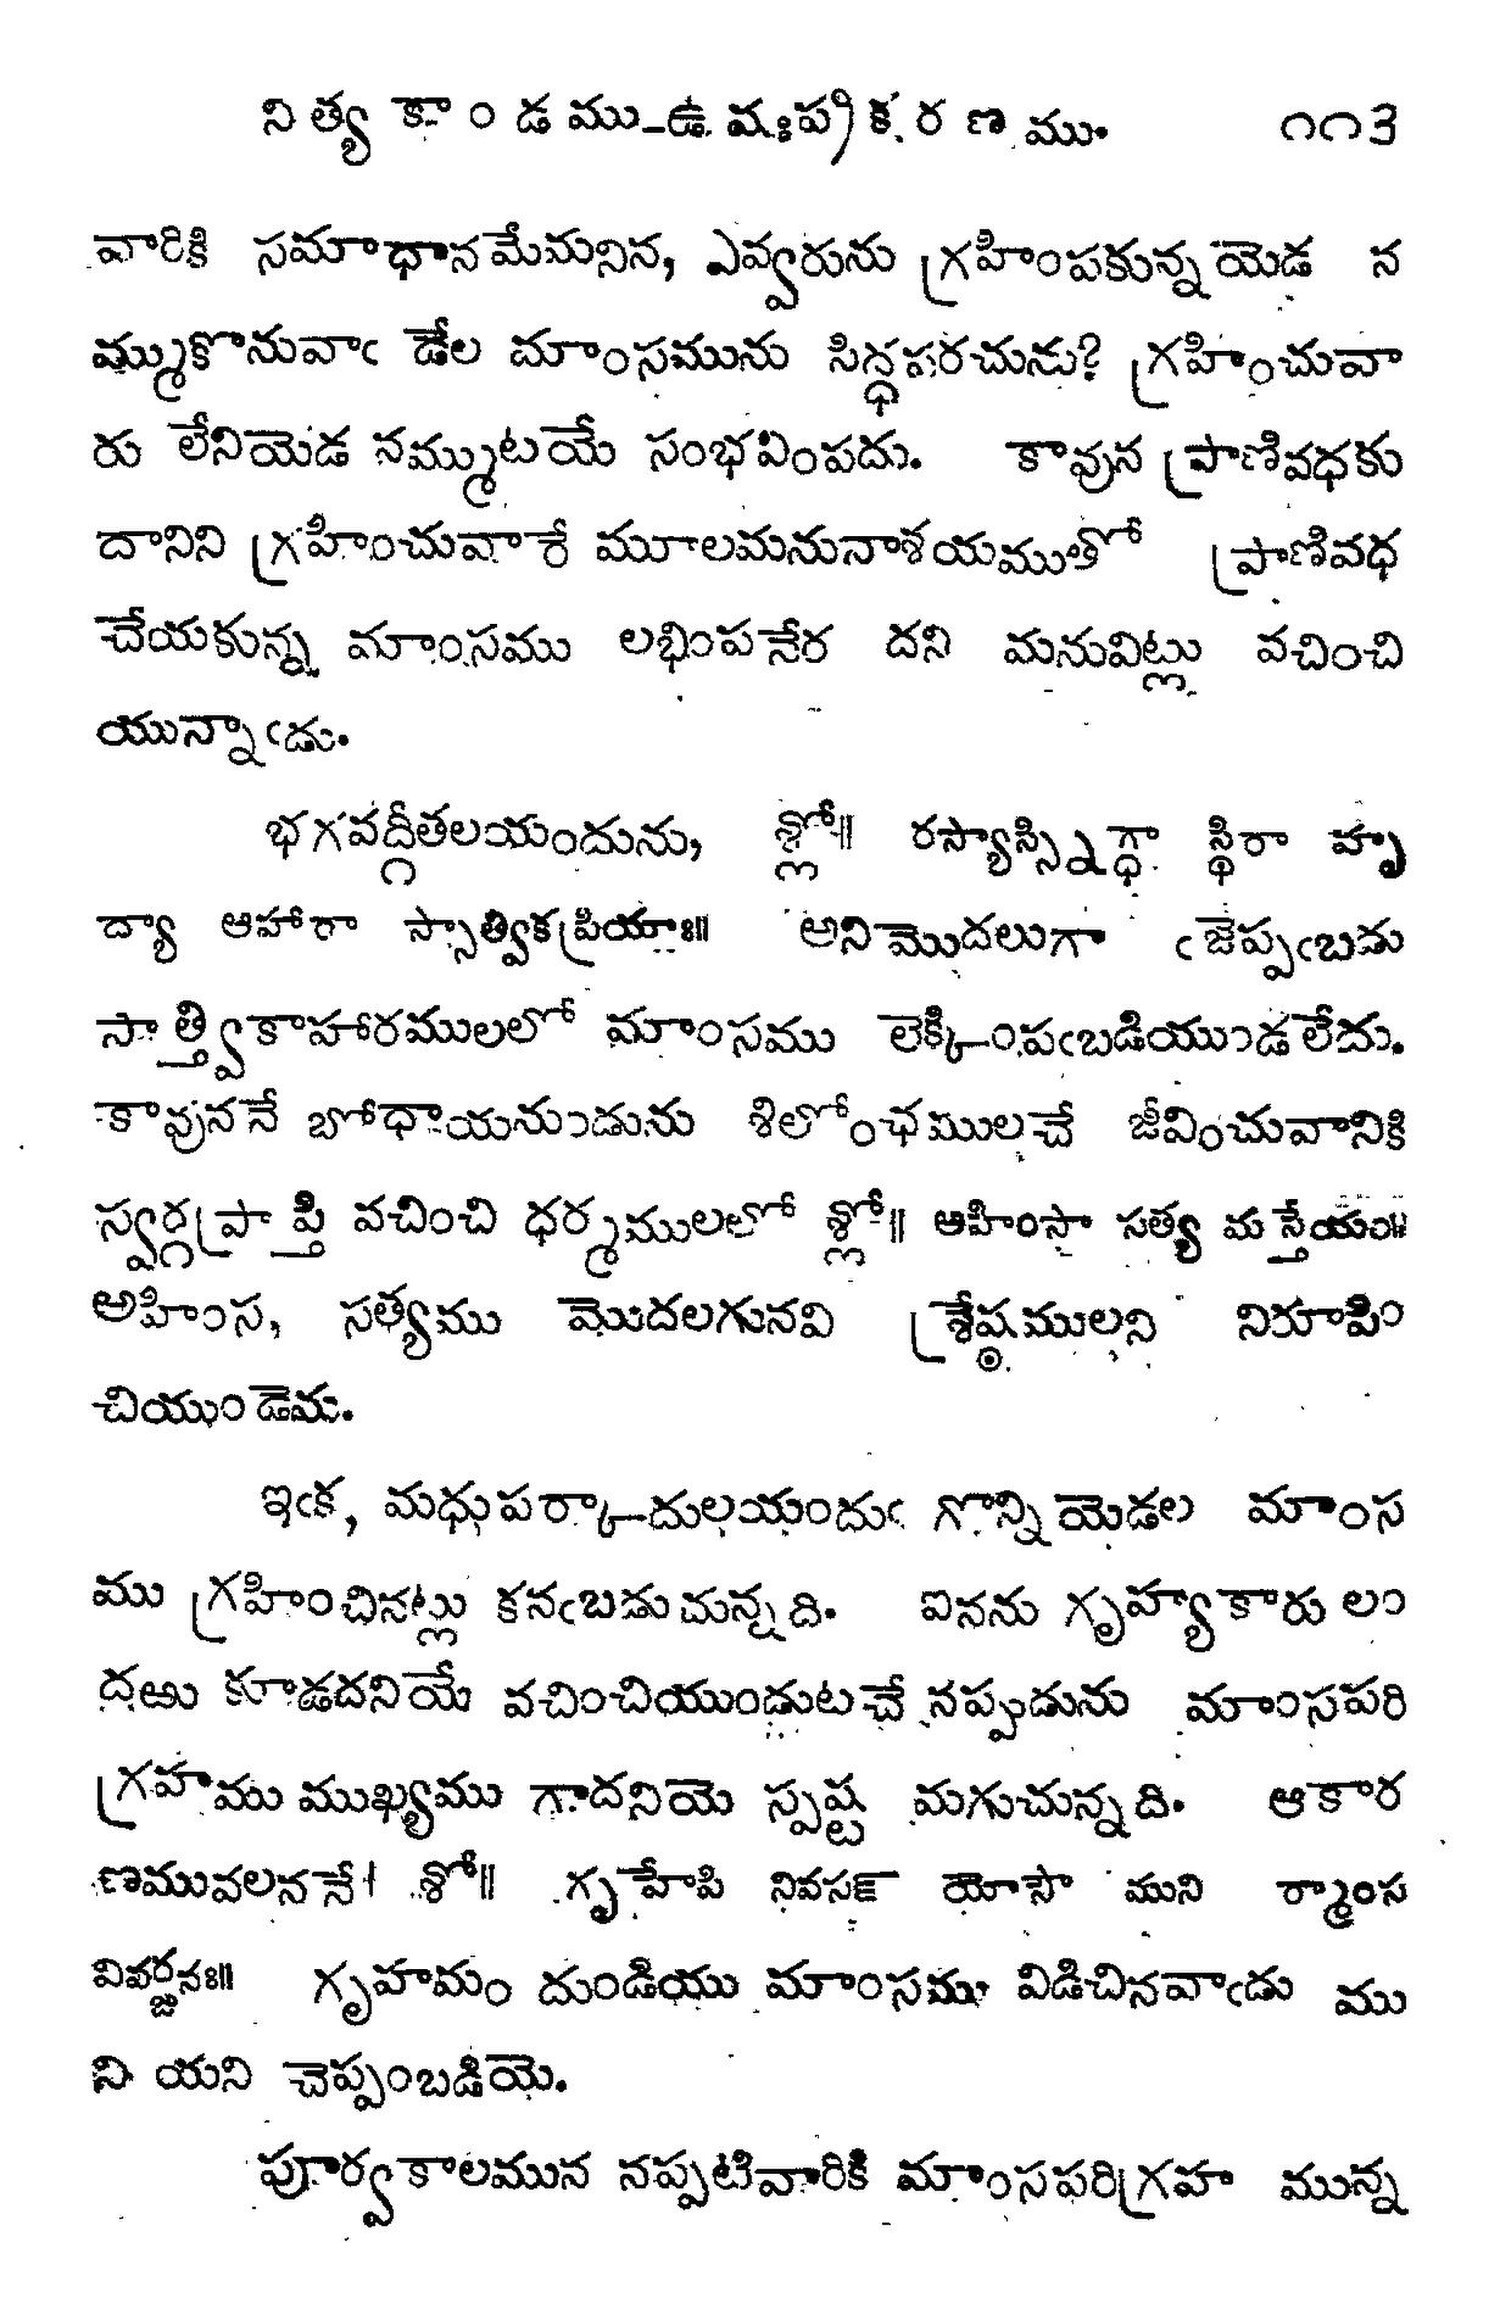వారికి సమాధానమేమనిన, ఎవ్వరును గ్రహింపకున్నయెడ నమ్ముకొనువాఁ డేల మాంసమును సిద్ధపరచును? గ్రహించువారు లేనియెడ నమ్ముటయే సంభవింపదు. కావున ప్రాణివధకు దానిని గ్రహించువారే మూలమను నాశయముతో ప్రాణివధ చేయకున్న మాంసము లభింపనేర దని మనువిట్లు వచించియున్నాఁడు.

భగవద్గీతలయందును, శ్లో॥ రస్యాస్స్నిగ్ధా స్థిరా హృద్యా ఆహారా స్సాత్వికప్రియాః॥ అనిమొదలుగాఁ జెప్పఁబడు సాత్త్వికాహారములలో మాంసము లెక్కింపఁబడియుండలేదు. కావుననే బోధాయనుండును శిలోంఛములచే జీవించువానికి స్వర్గప్రాప్తి వచించి ధర్మములలో శ్లో॥ అహింసా సత్య మస్తేయం అహింస, సత్యము మొదలగునవి శ్రేష్ఠములని నిరూపించియుండెమ.

ఇఁక, మధుపర్కాదులయందుఁ గొన్నియెడల మాంసము గ్రహించినట్లు కనఁబడుచున్నది. ఐనను గృహ్యకారులందఱు కూడదనియే వచించియుండుటచే నప్పుడును మాంసపరిగ్రహము ముఖ్యము గాదనియె స్పష్ట మగుచున్నది. ఆకారణమువలననే శ్లో॥ గృహేపి నివసన్ యోసౌ ముని ర్మాంస వివర్ణనః॥ గృహమం దుండియు మాంసము విడిచినవాఁడు ముని యని చెప్పంబడియె.

పూర్వకాలమున నప్పటివారికి మాంసపరిగ్రహ మున్న